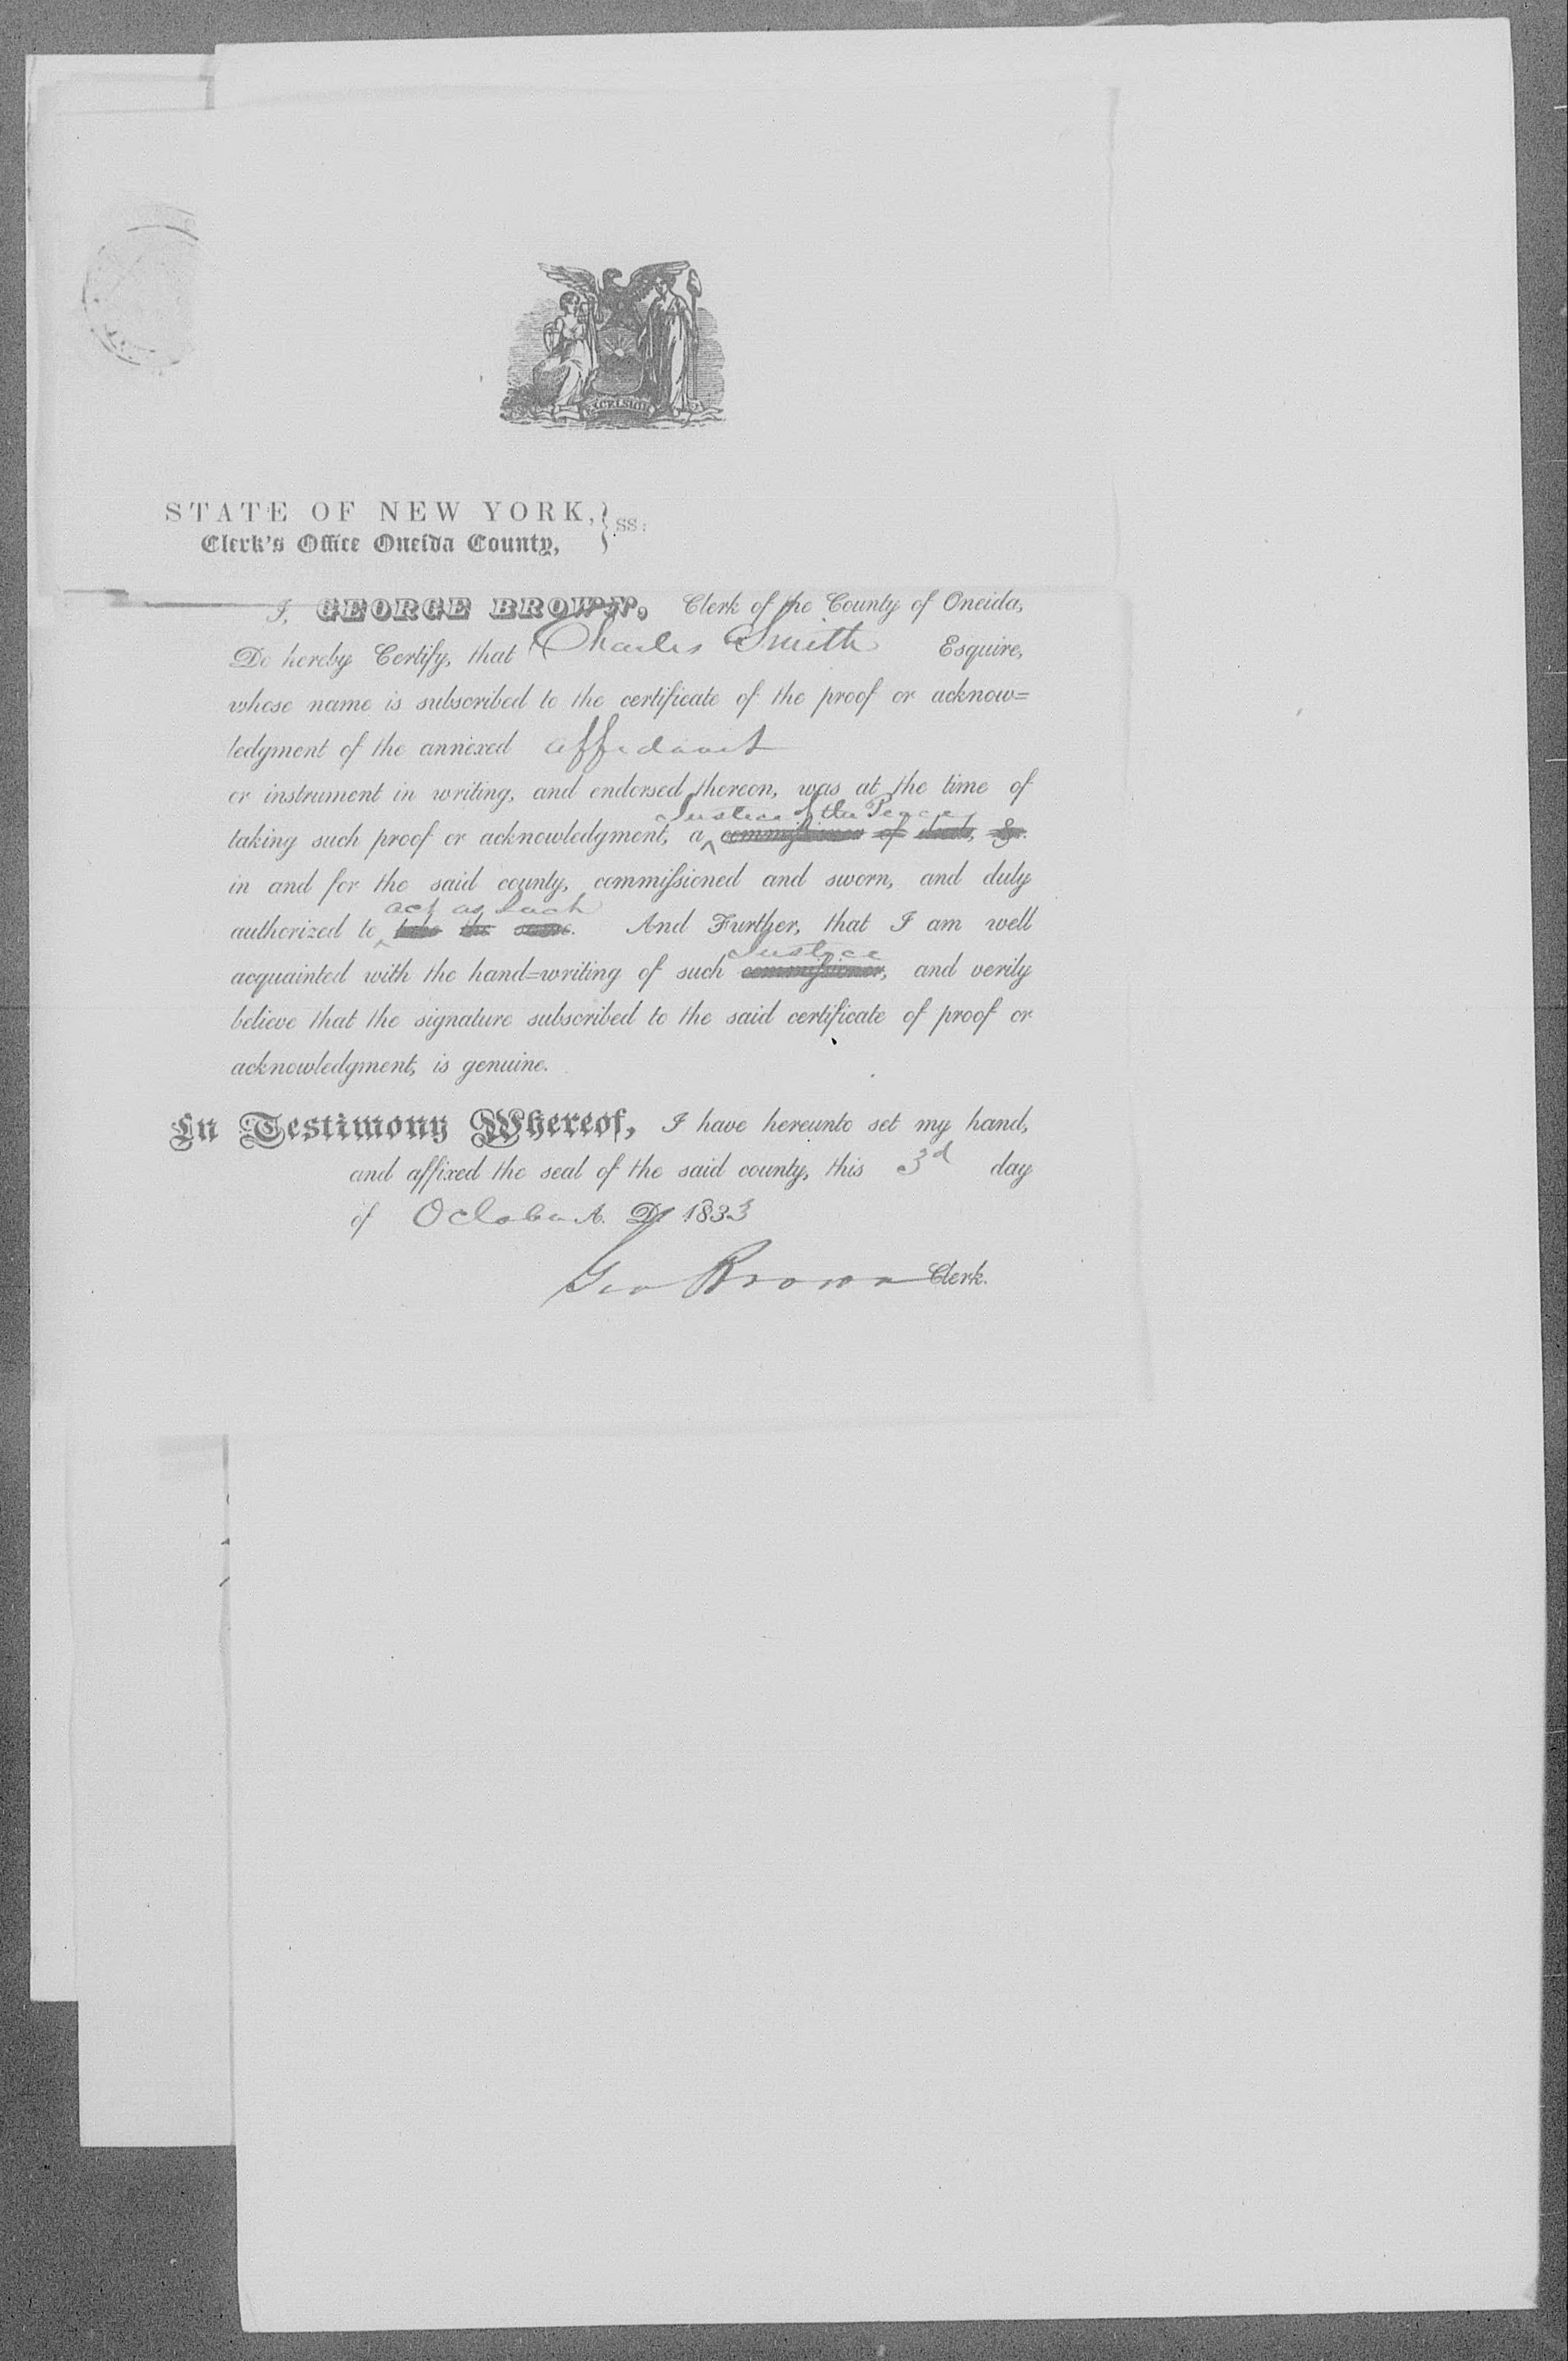Charles Smith
affidavit
Justice of the Peace
act as [illegible]
Justice
3rd 
October A.D. 1833
Geo Brown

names: George Brown, Geo Brown, Charles Smith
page: 46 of 52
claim: widow's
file: W. 18,565, Hezekiah Barker, Continental R.I.